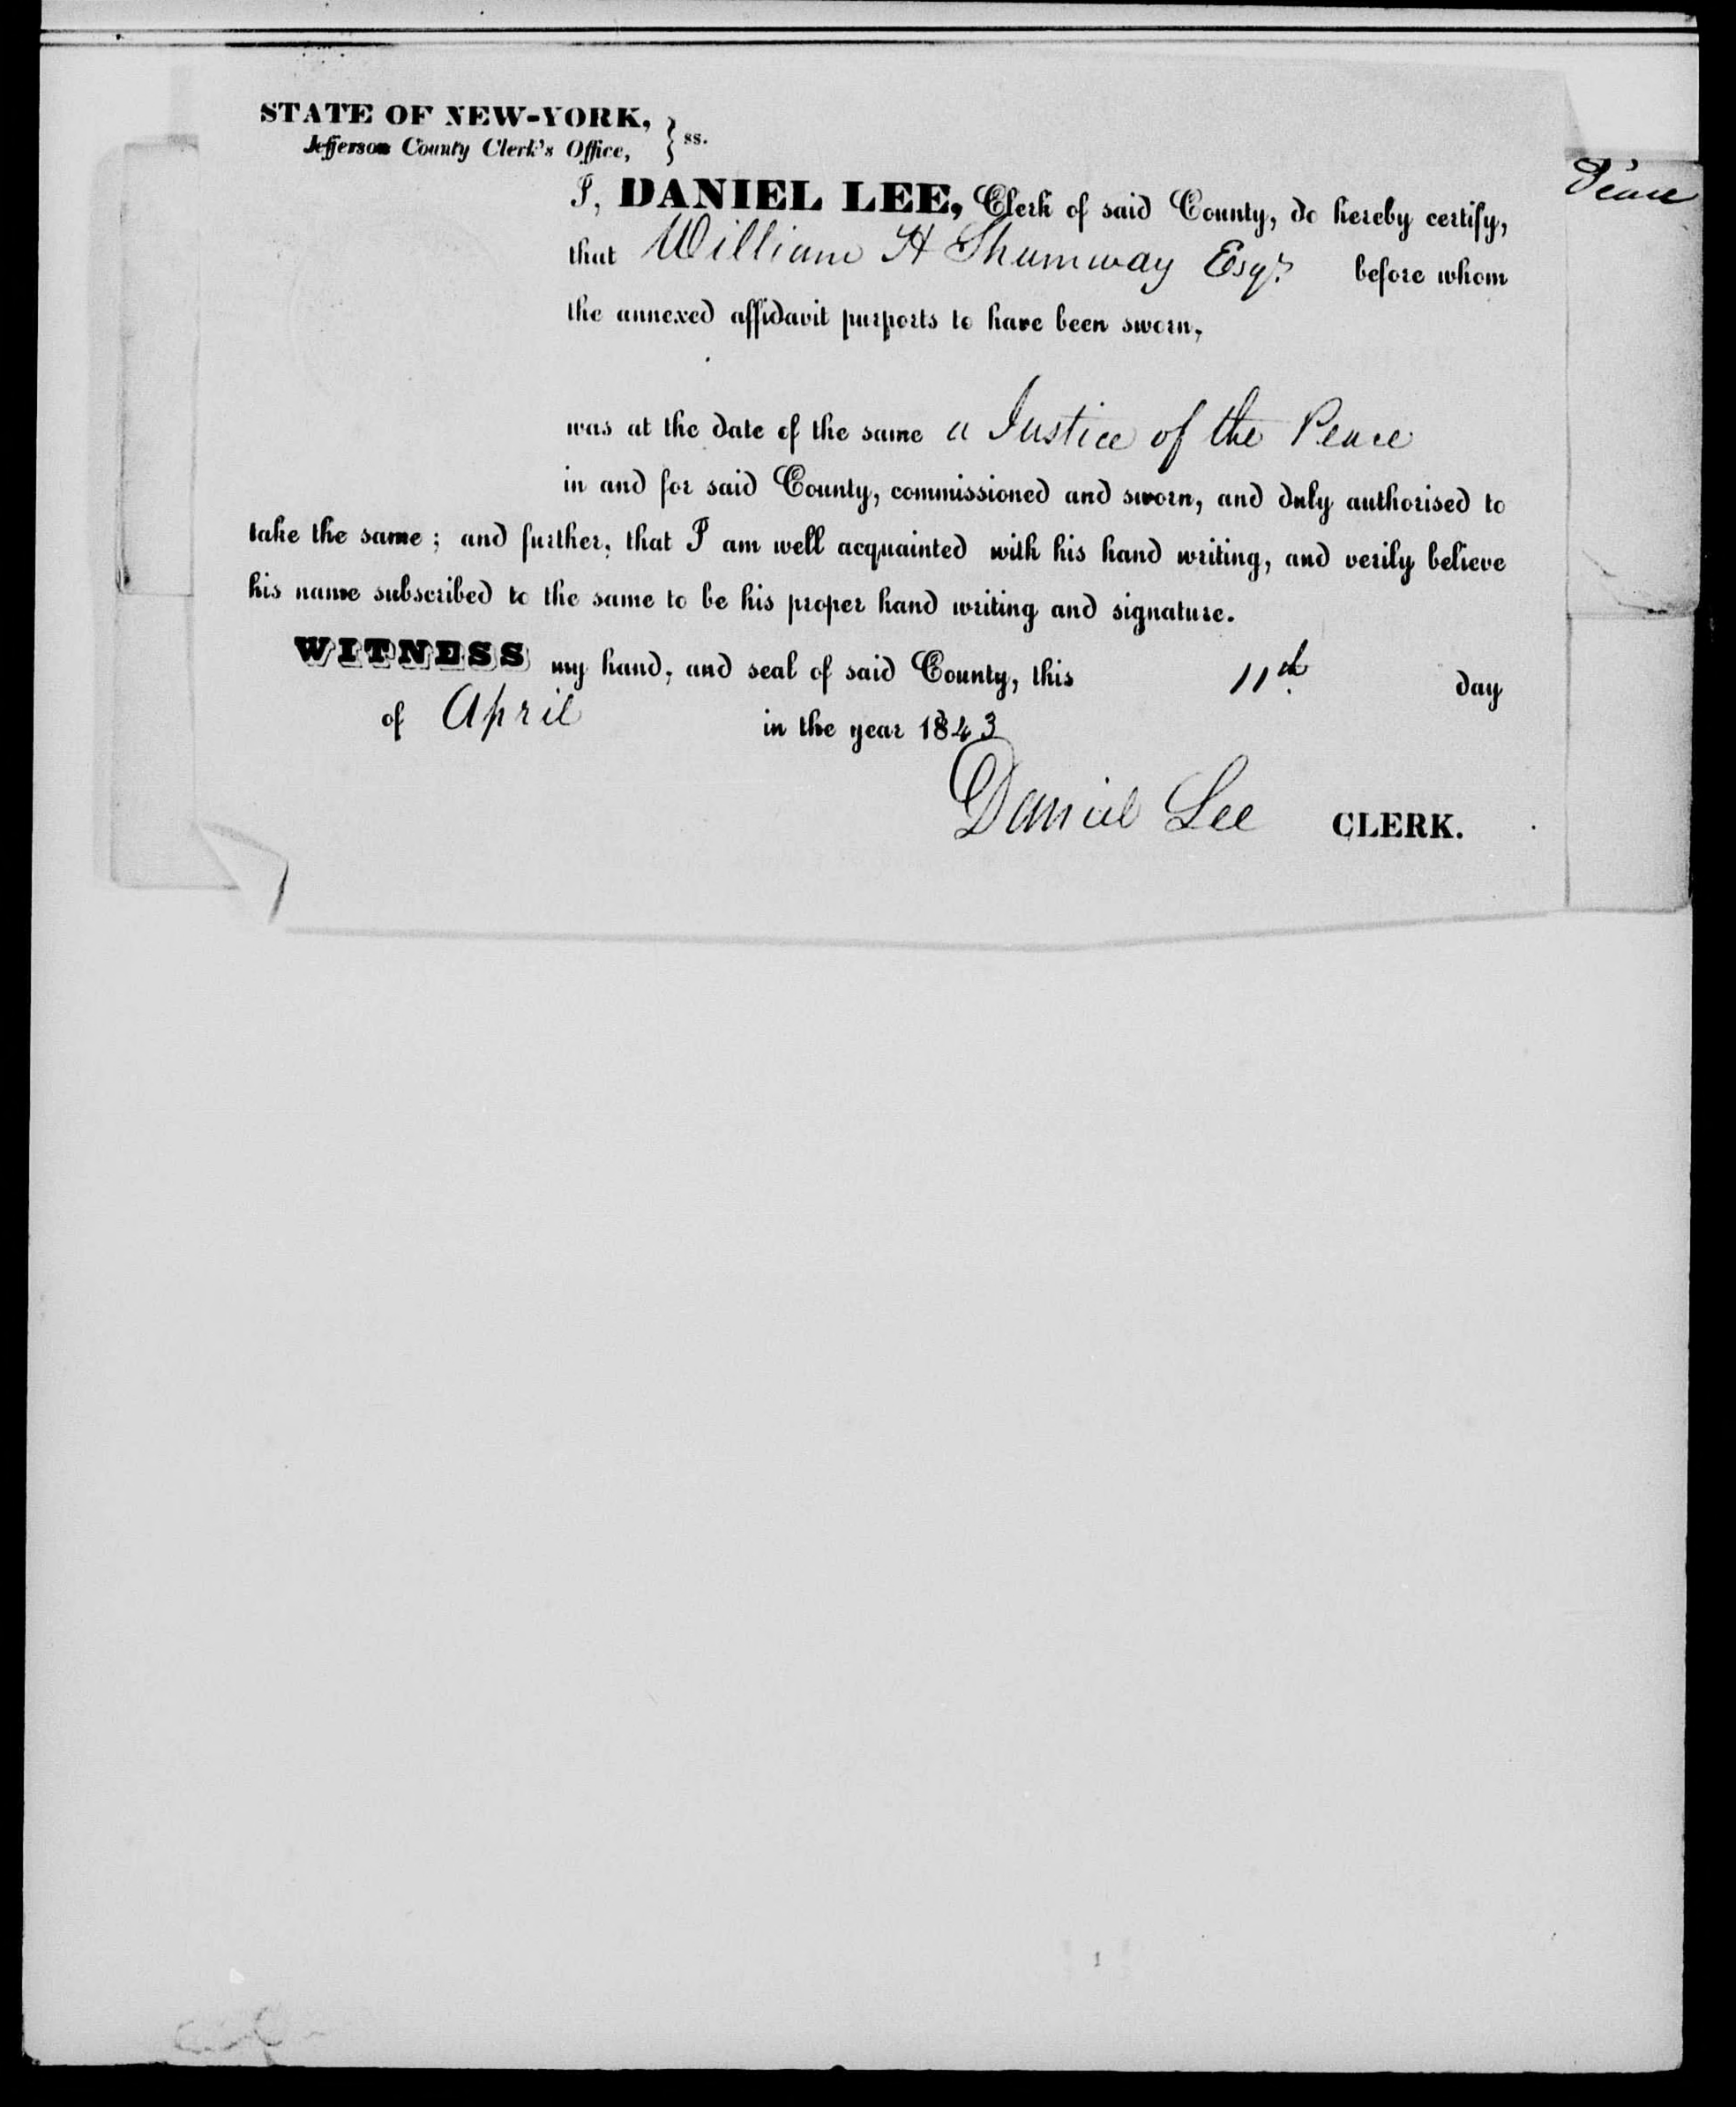STATE OF NEW YORK
Jefferson County Clerk's Office,
I, DANIEL LEE, Clerk of said County, do hereby certify,
that William H Thumway Esq before whom
the annexed affidavit purports to have been sworn,

was at the date of the same a Justice of the Peace
in and for said County, commissioned and sworn, and only authorised to
take the same; and further, that I am well acquainted with his hand writing, and verily believe
his name subscribed to the same to be his proper hand writing and signature.
WITNESS my hand, and seal of said County, this 11th day
of April in the year 1843
Daniel Lee CLERK.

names: Daniel Lee, William H Shumway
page: 4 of 38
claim: widow's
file: W. 23,381, Abner Hubbard, Continental Mass.